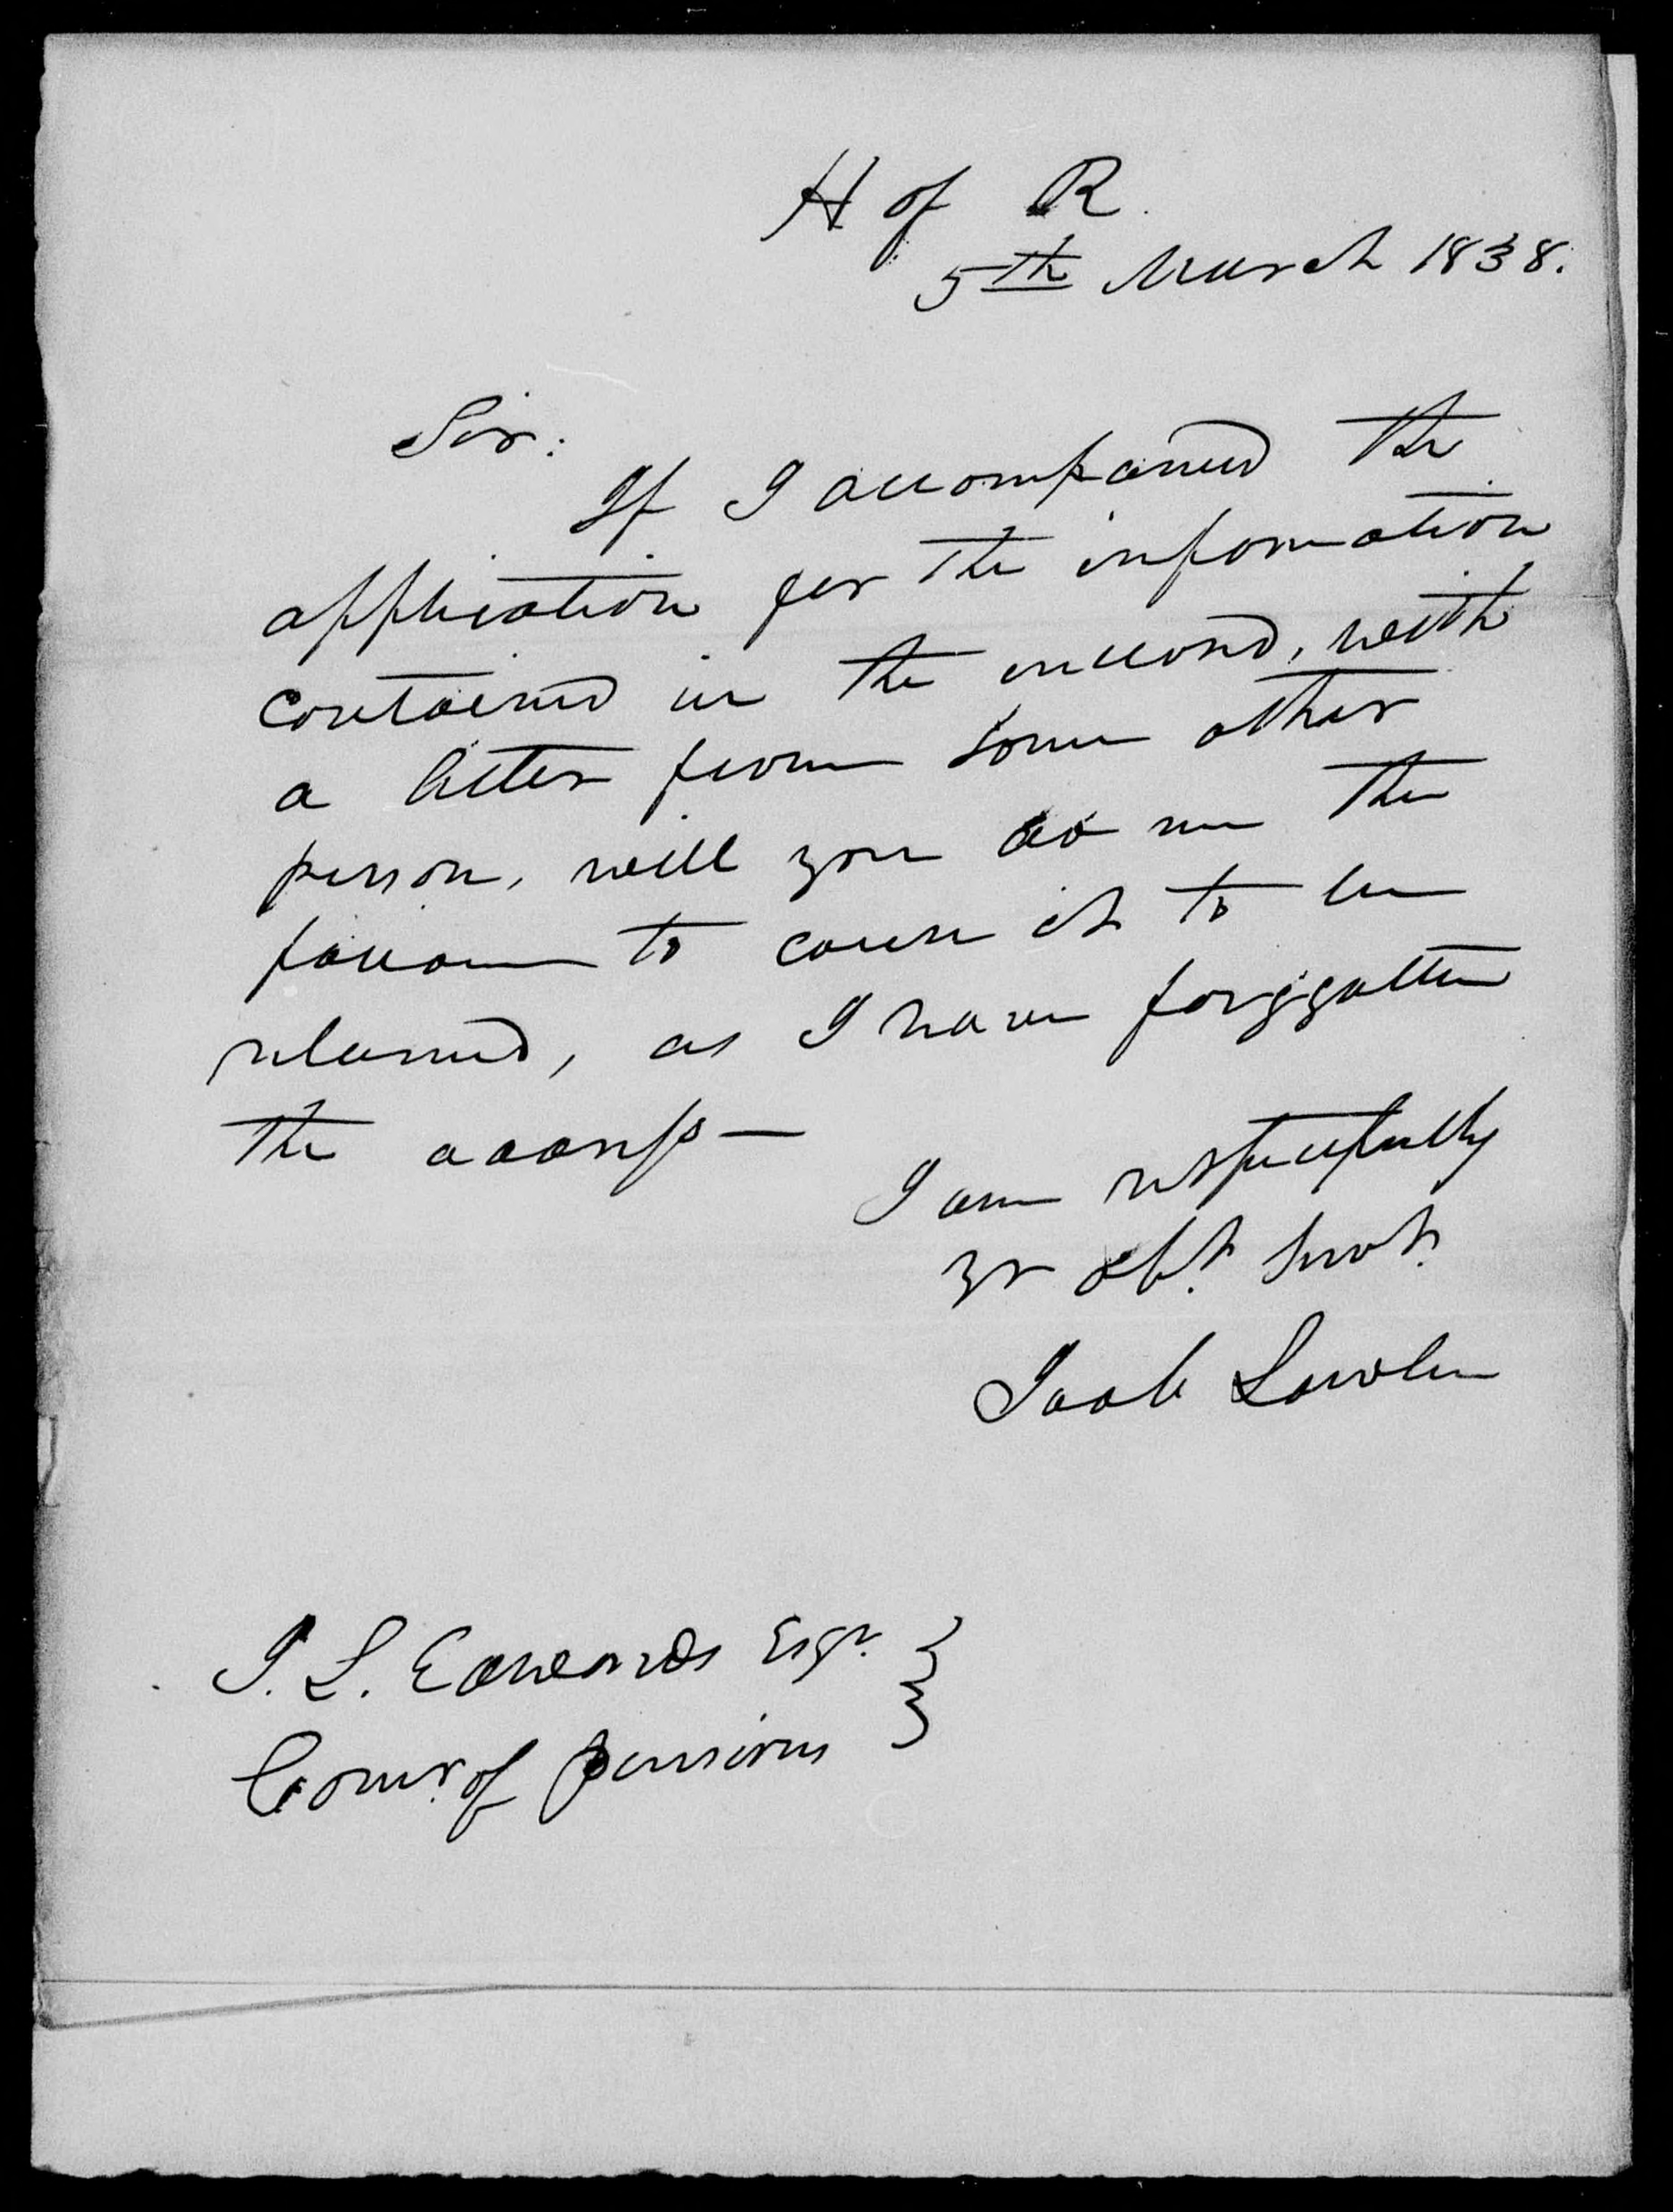H of R
5th March 1838
Sir:
If I accompanied the application for the information contained in the record, with
a letter from some other person, will you do me
the favor to count it to be returned, as I have forgotten the aconts --
 I am respectfully 
yr obt. servt.
Joab Lowler

J.L. Edwards Esq
Comr. of Pensions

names: Jaob Lawlee, J L Edwards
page: 74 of 85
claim: widow's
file: W. 5,906, John Brown, S.C.